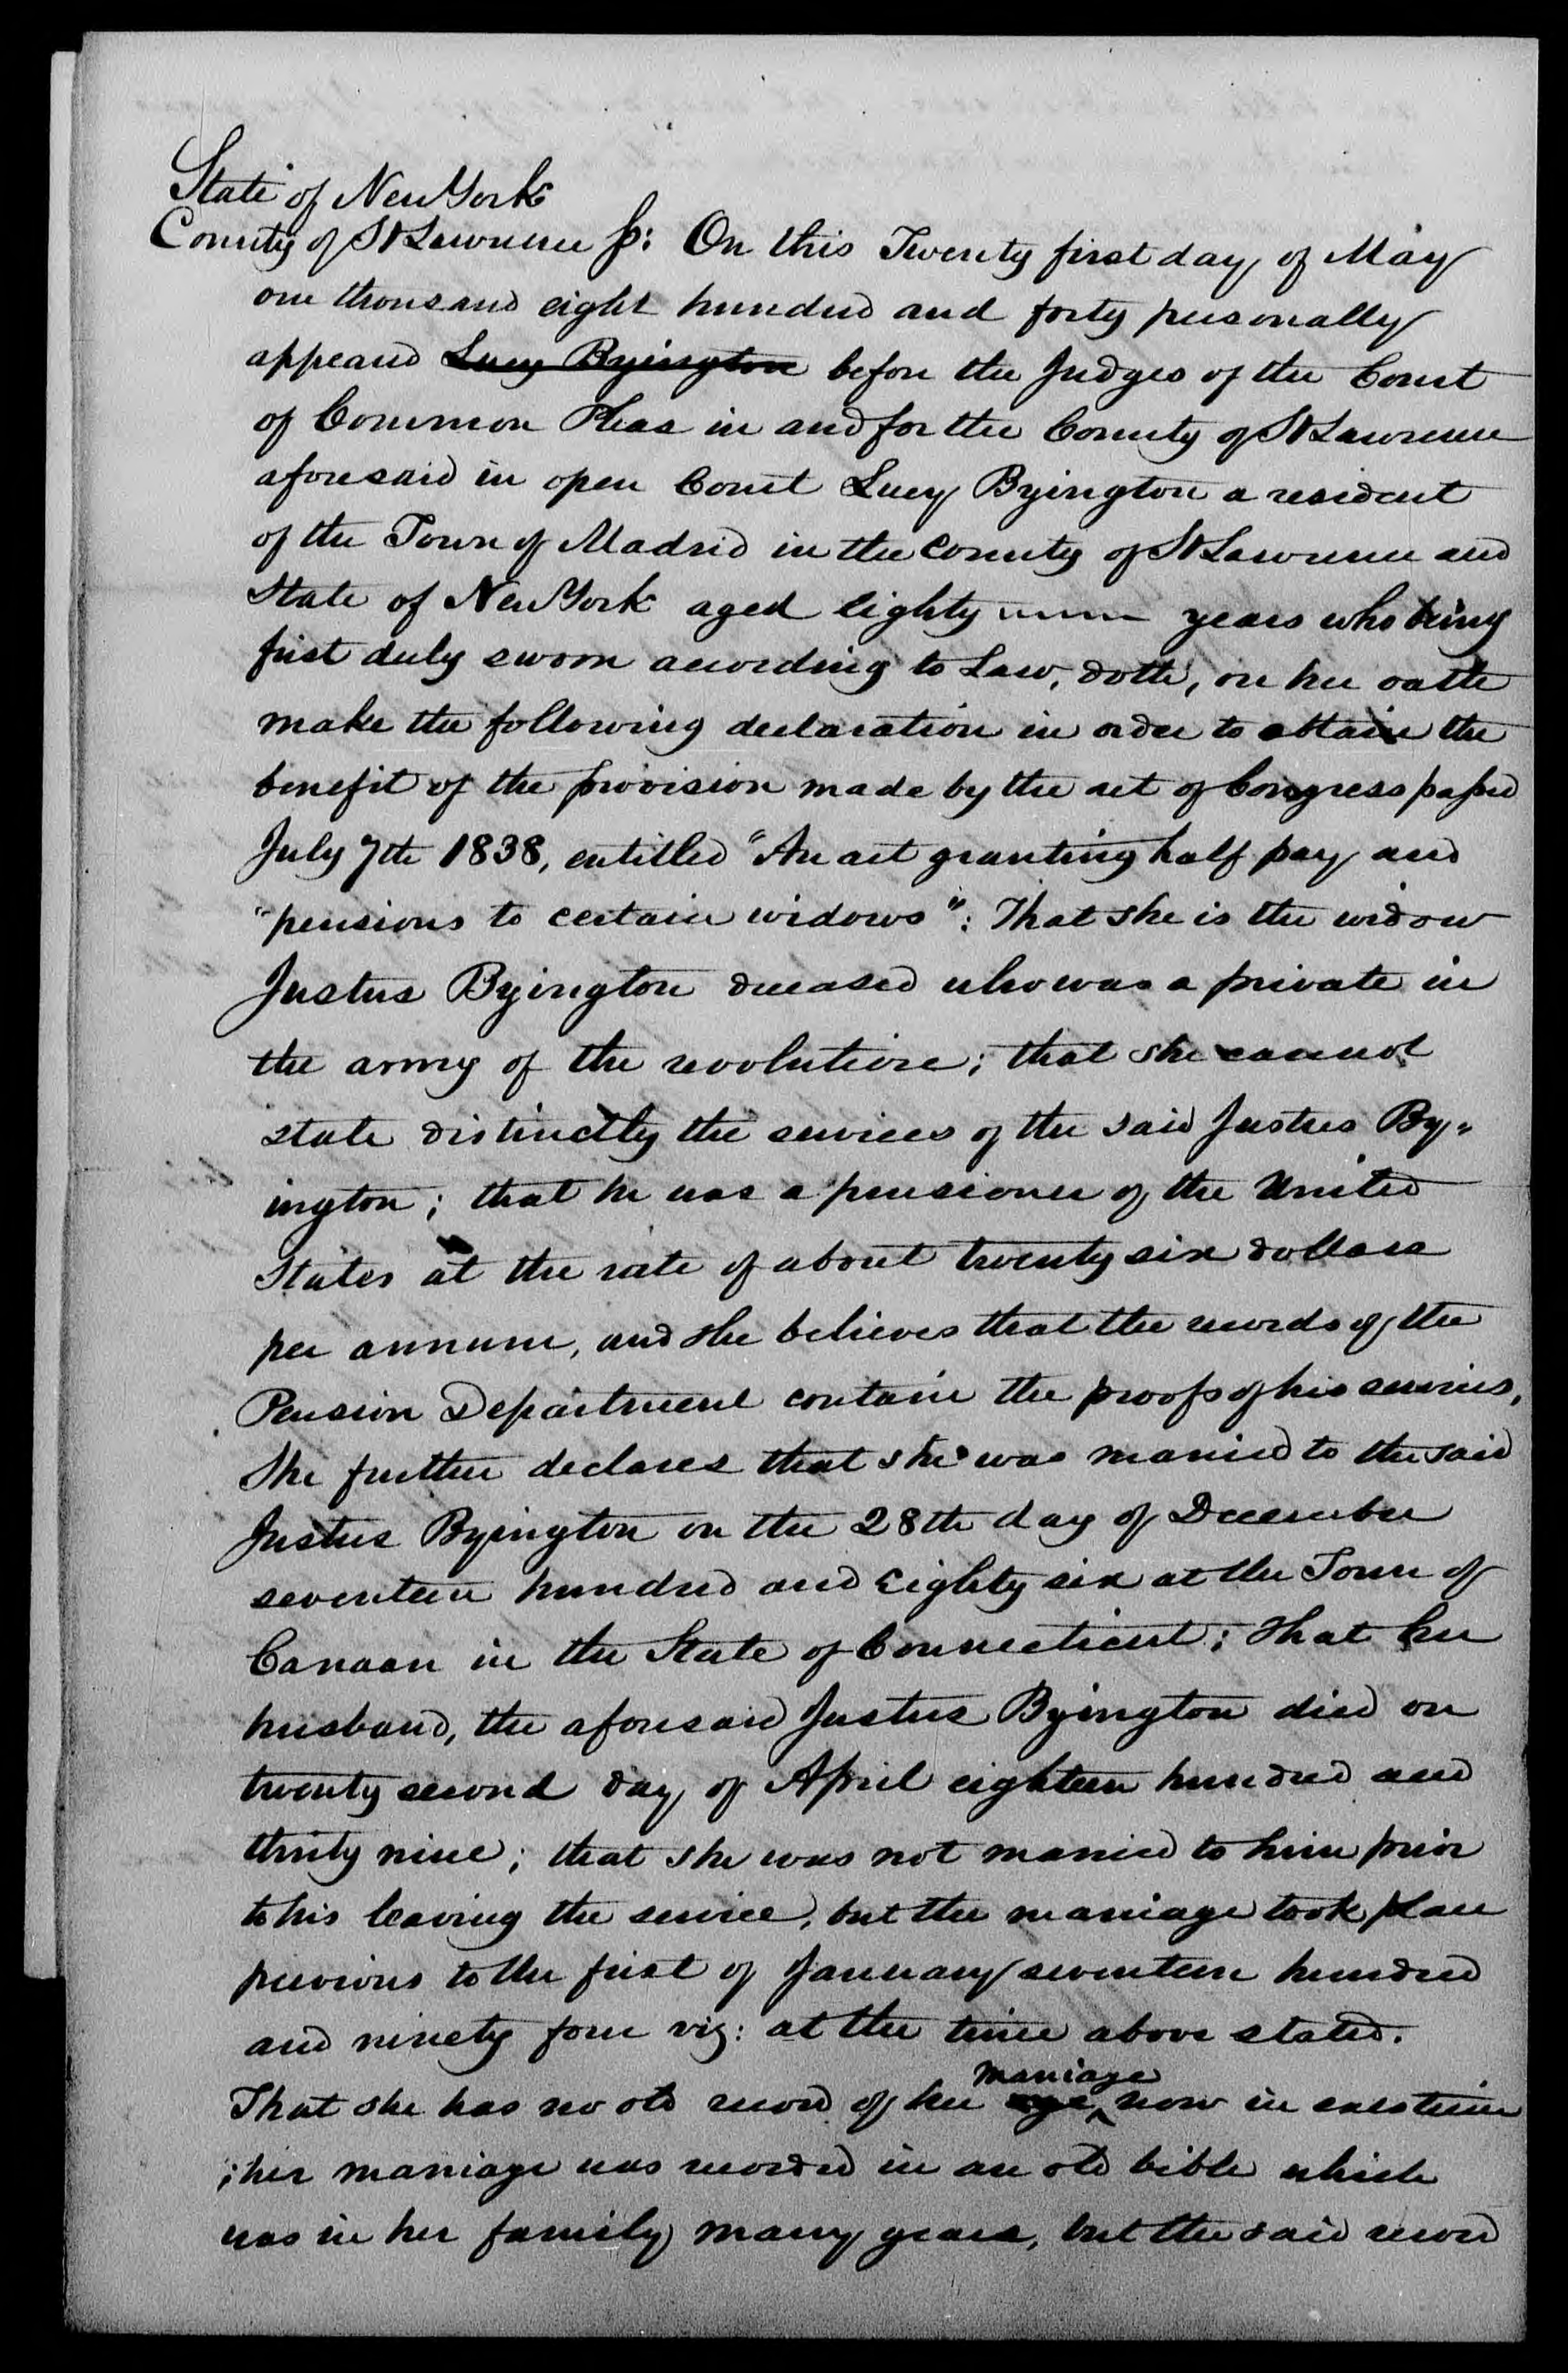State of New York
County of St. Lawrence Ss:
On this twenty first day of May one thousand eight hundred and forty personally appeared Lucy Byington (crossed out) before the Judges of the Court of Common Pleas in and for the County of St Lawrence aforesaid in open court Lucy Byington a resident of the Town of Madrid in the County of St Lawrence and State of New York aged eighty nine years who being first duly sworn according to Law, doth, on her oath make the following declaration in order to obtain the benefit of the provision made by the act of Congress passed July 7th 1838, entitled "An act granting half pay and pensions to certain widows": That she is the widow of Justus Byington deceased who was a private in the army of the revolution; that she  could state distinctly the services of said Justus Byington; that he was a pensioner of the United States at the rate of about twenty six dollars per annum, and she believes that the records of the Pension Department contain the proofs of his services, She further declares that she was married to the said Justus Byington on the 28th day of December seventeen hundred and eighty six at the Town of Canaan in the State of Connecticut; that her husband, the aforesaid Justus Byington died on twenty second day of April eighteen hundred and thirty nine; that she was not married to him prior to him leaving the service, but the marriage took place previous to the first of January seventeen hundred and ninety four viz: at the time above stated.
That she has no old record of her marriage now in existence; her marriage was recorded in an old bible which was in her family many years, but the said record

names: Lucy Byington, Lucy Byington, Justus Byington, Justus Byington, Justus Byington, Justus Byington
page: 7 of 79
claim: widow's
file: W. 23754, Justus Byington, Conn.